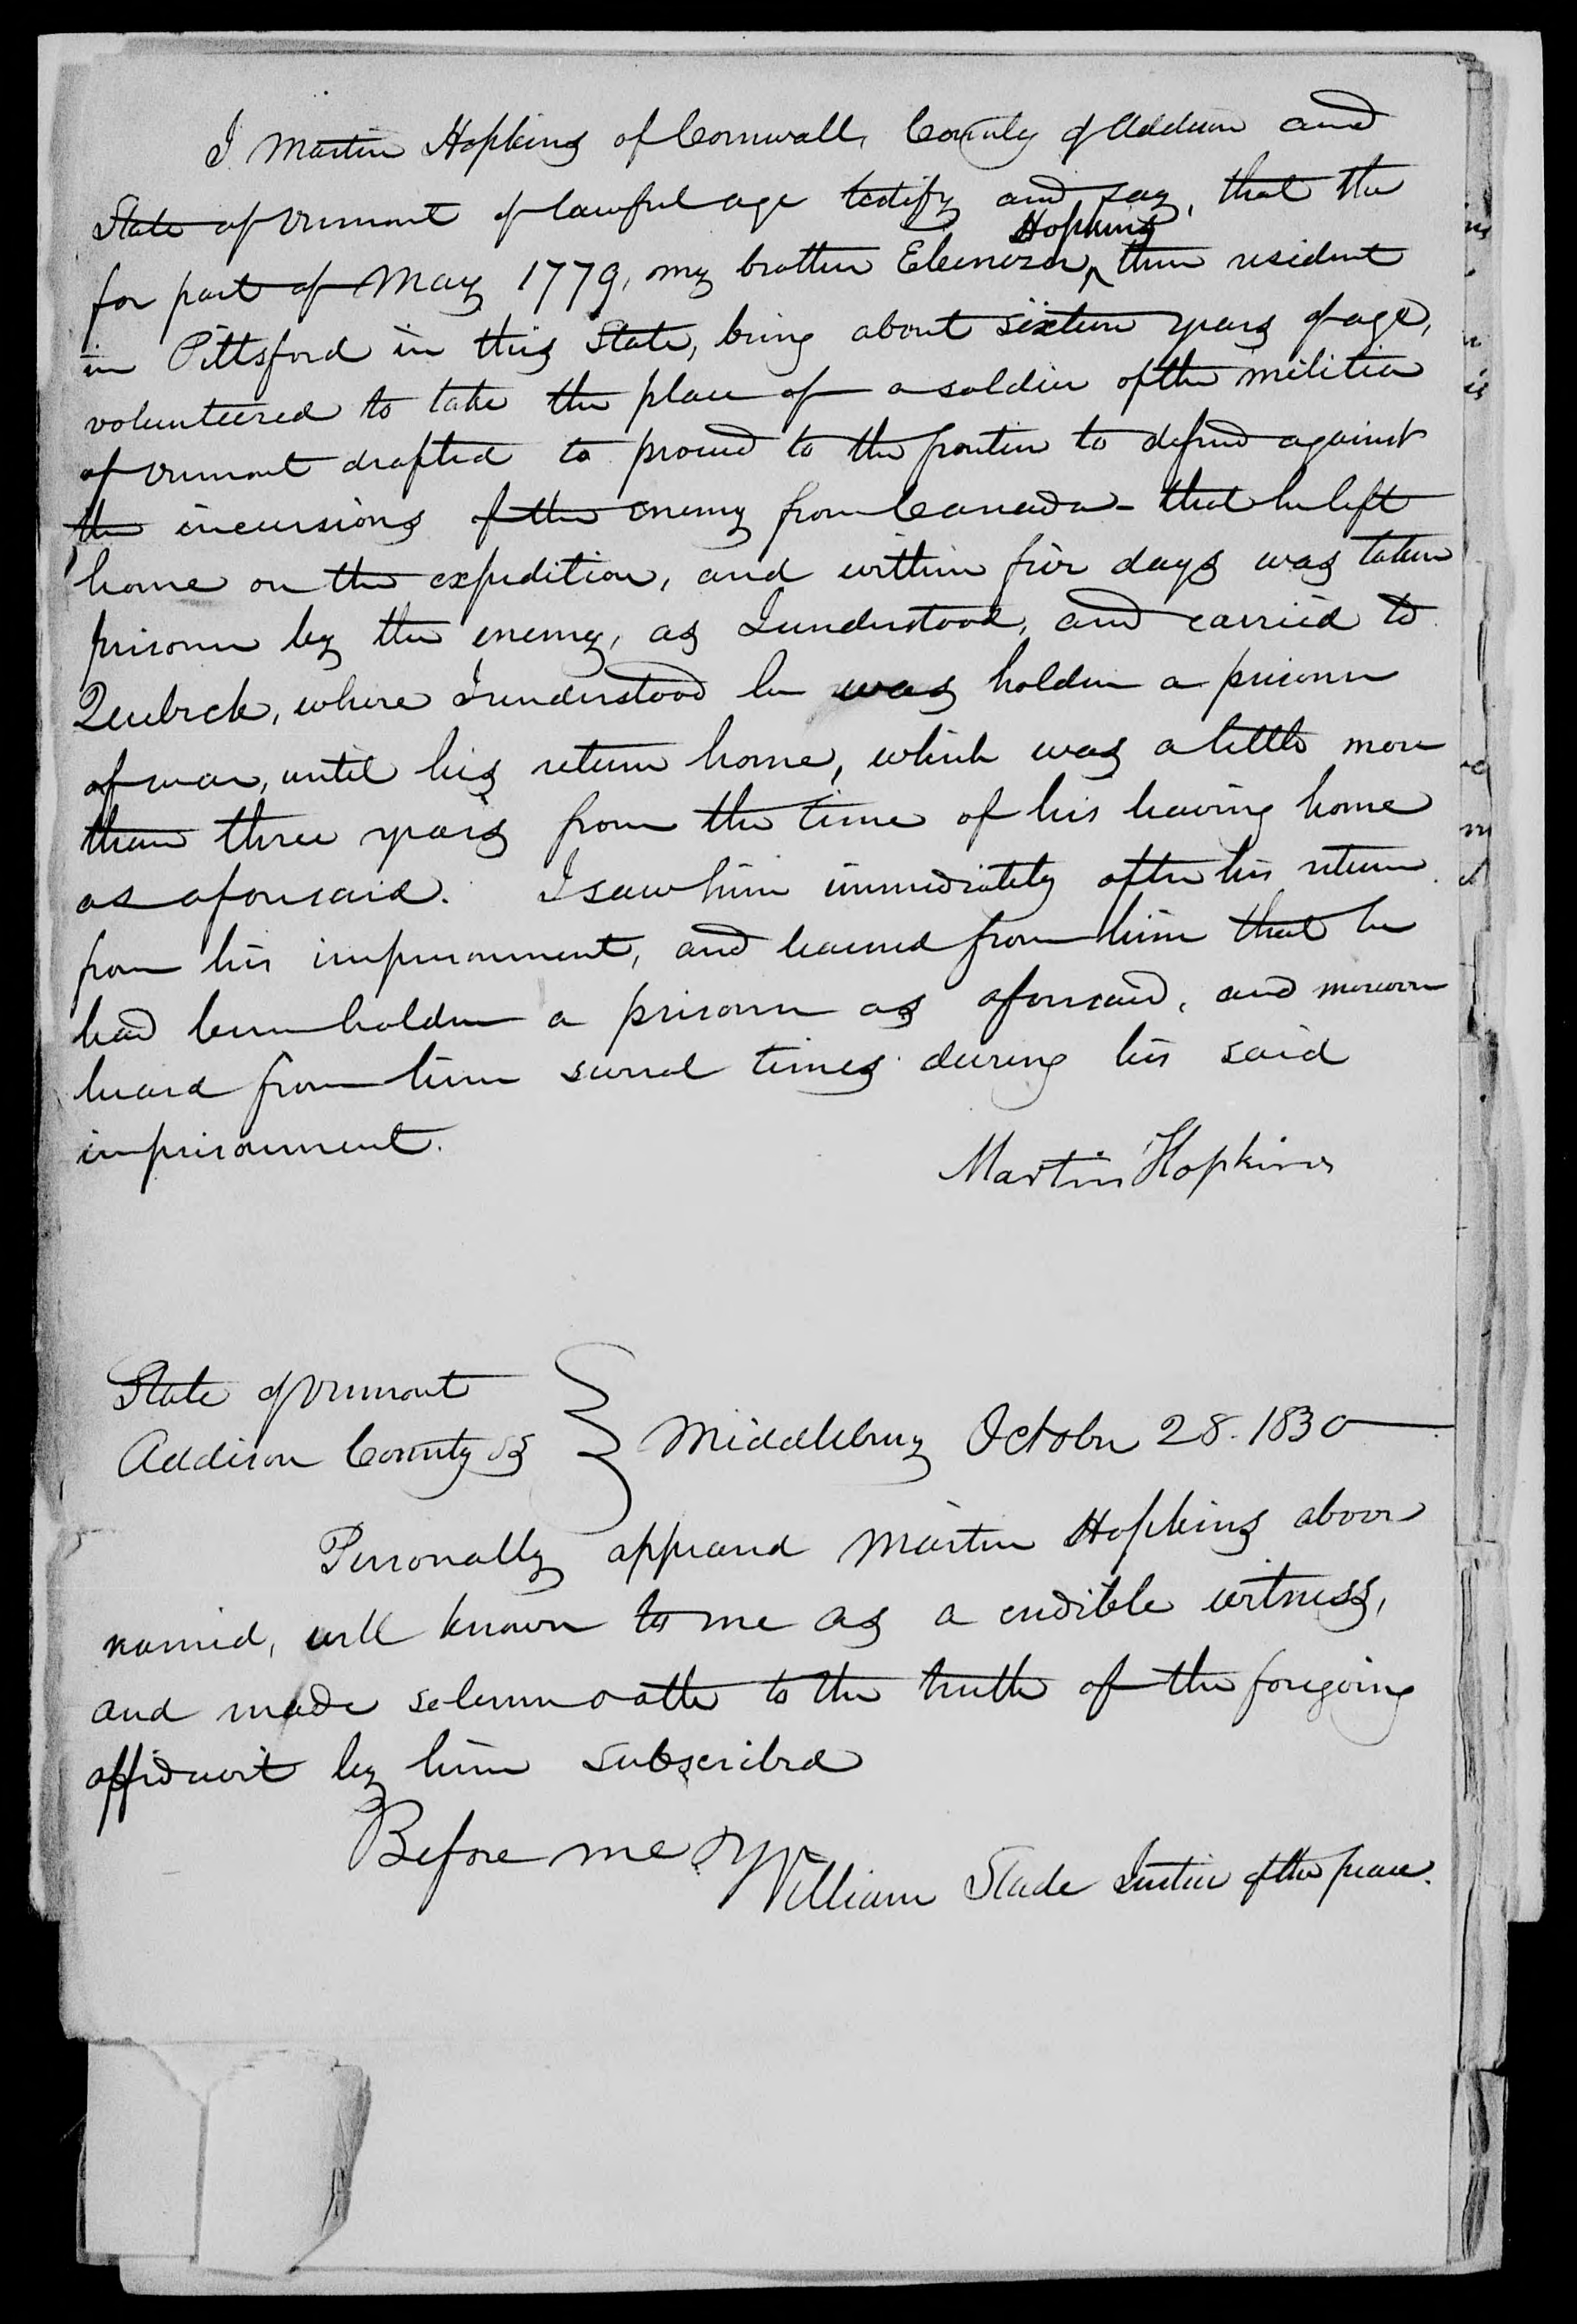I Martin Hopkins of Cornwall County of Addison and State of Vermont of lawful age testify and for part of May 1779, my brother Ebenezer Hopkins then resident in Pittsford in this State, being about sixteen years of age,
volunteered to take the place of a soldier of the militia of Vermont drafted to proceed to the frontier to defend against the incursions of the enemy from Canada, that he left home on the expedition, and within five days was taken
prisoner by the enemy, as understood, and carried to Quebeck, where I understood he was holden a prisoner of war, until his return home, which was a little more than three years from the time of his leaving home as aforesaid. I saw him immediately after his return from his imprisonment, and learned from him that he had been holden a prisoner as aforesaid, and moreover heard from him several times during his said imprisonment.

Martin Hopkins

State of Vermont
Addison County⎬     Middlebury October 28. 1830
Personally appeared Martin Hopkins above named, well known to me as a credible witness, and made solemn oath to the truth of the foregoing affidavit
by him subscribed
Before me William Slade Justice of the peace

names: William Slade, Martin Hopkins, Ebenezer Hopkins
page: 109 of 144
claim: rejected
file: R. 5208, Dennis Hopkins, N.C.